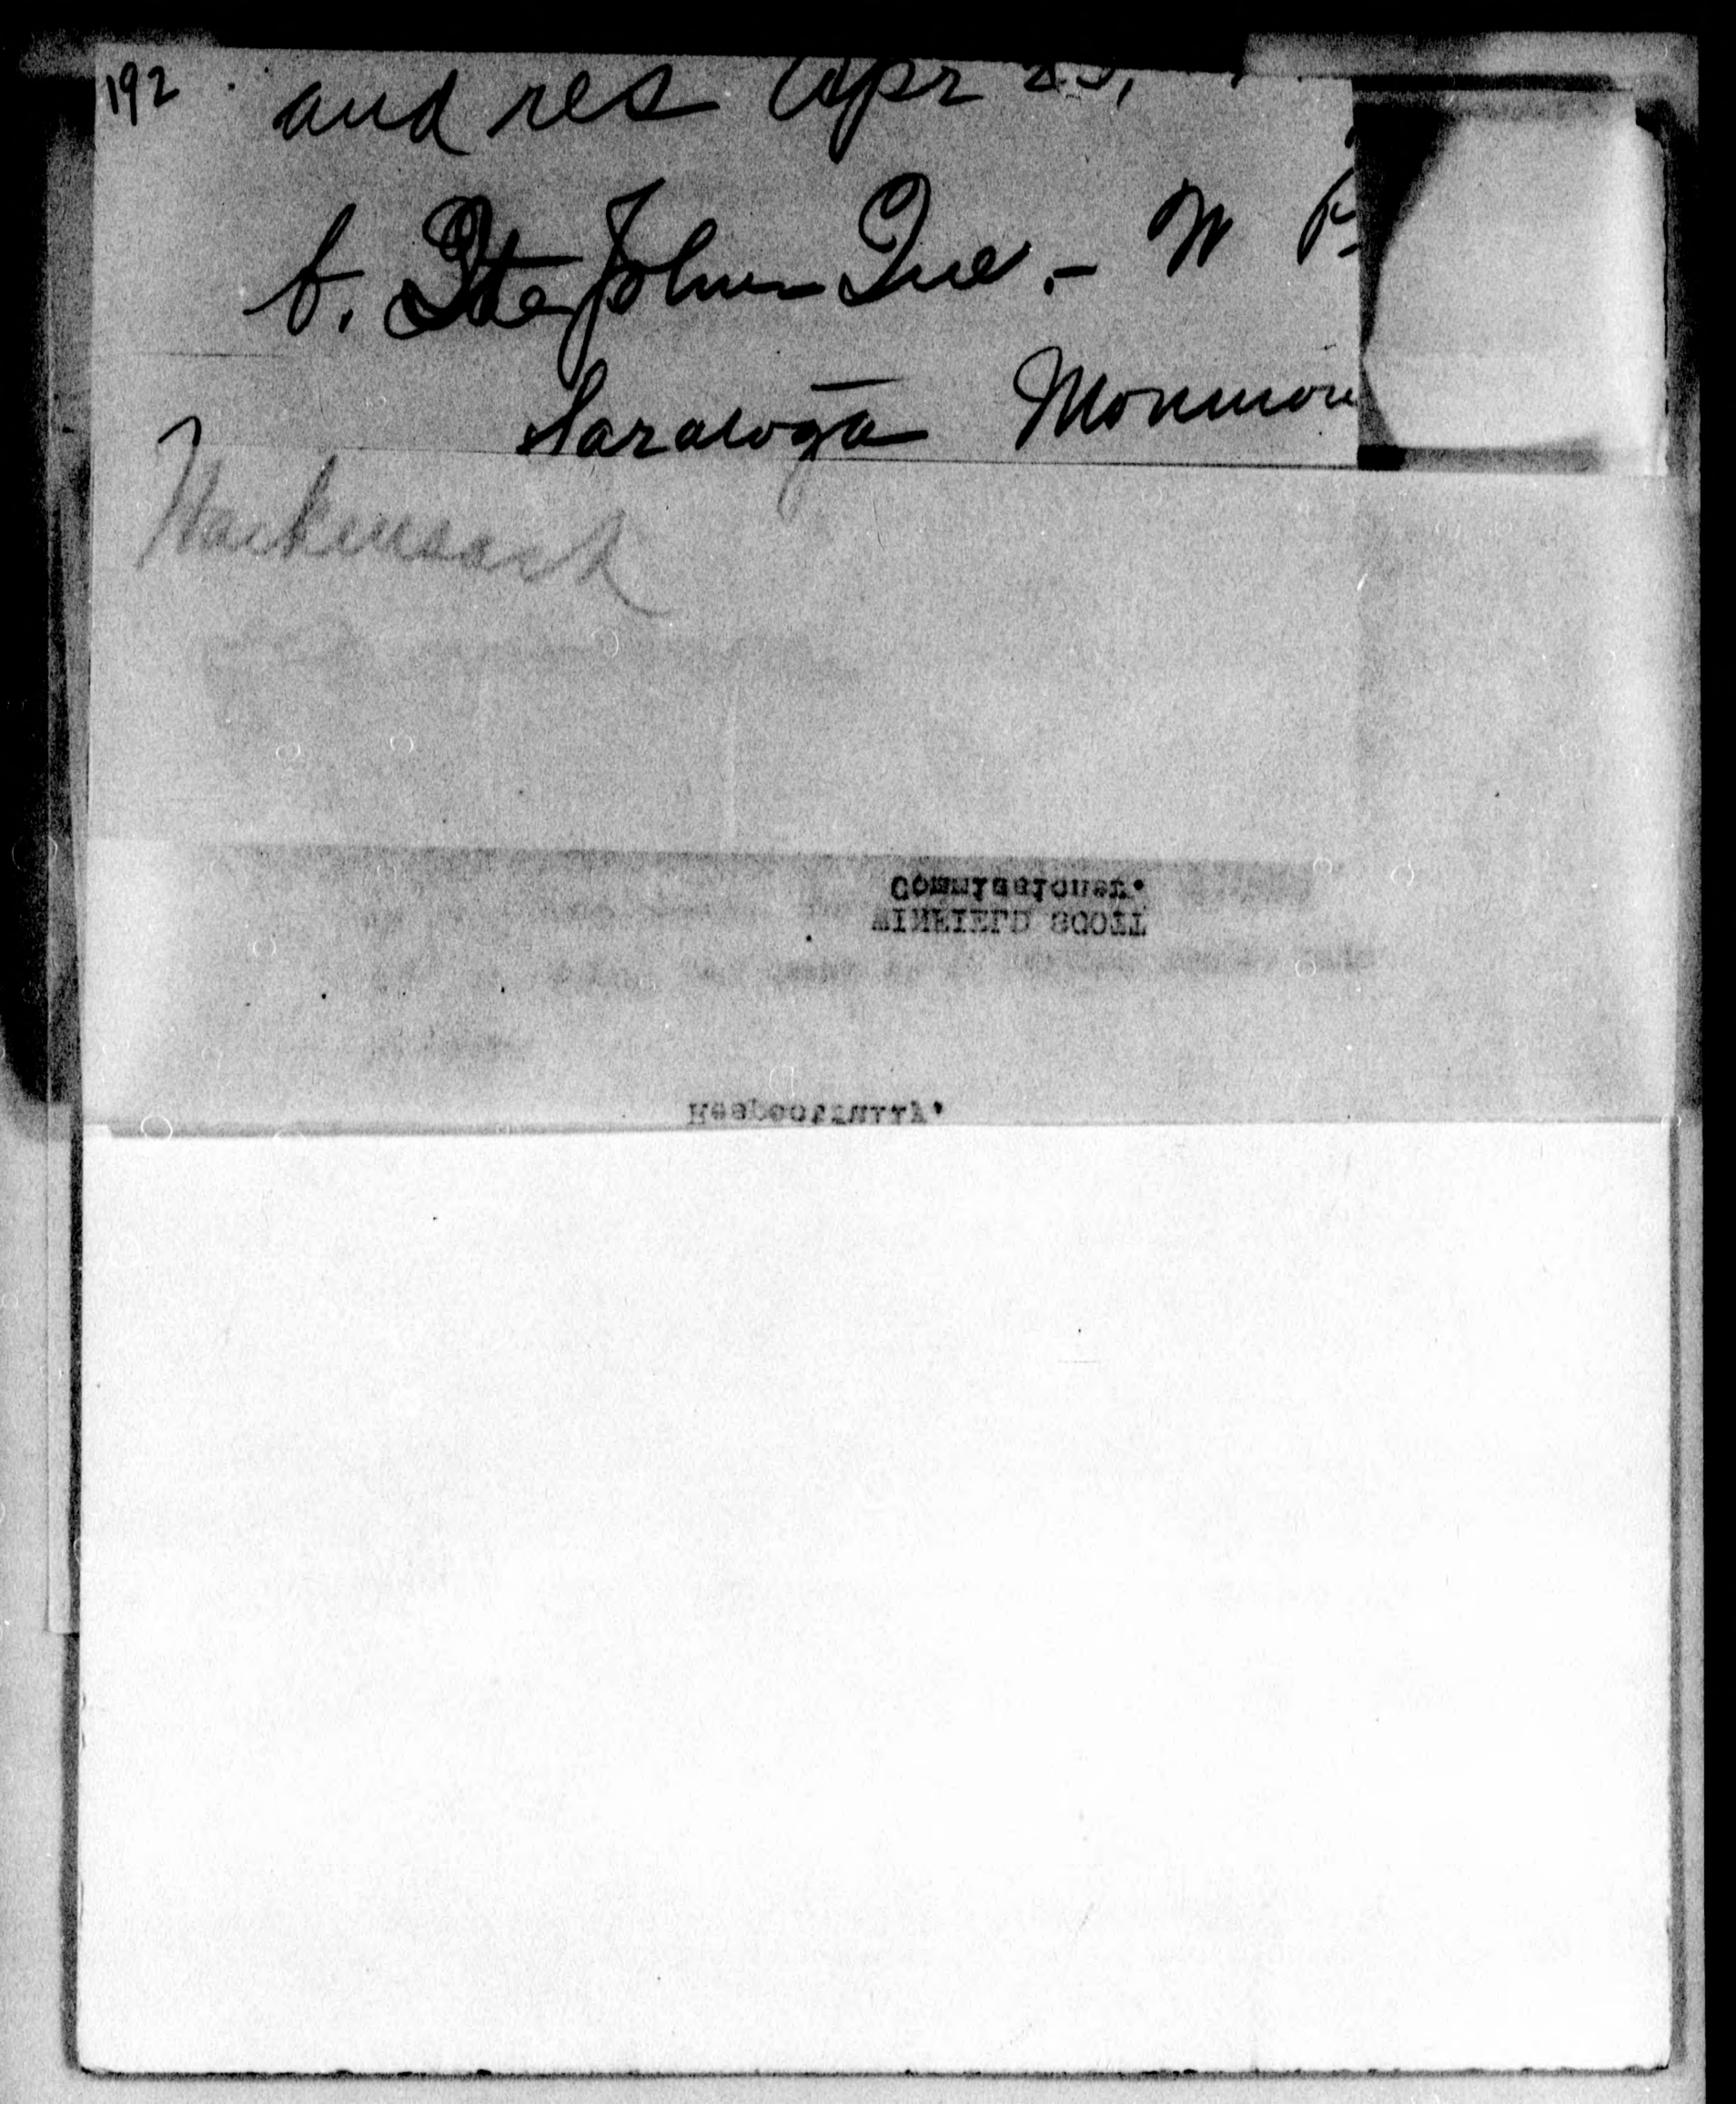192
and res Apr 23, [remainder cut off]
b. Ste Johns Que. - W [cut off, W Plains]
Saratoga  Monmouth  Hackensack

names: Winfield Scott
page: 38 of 102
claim: widow's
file: W. 18239, Isaac Van Wart, New York